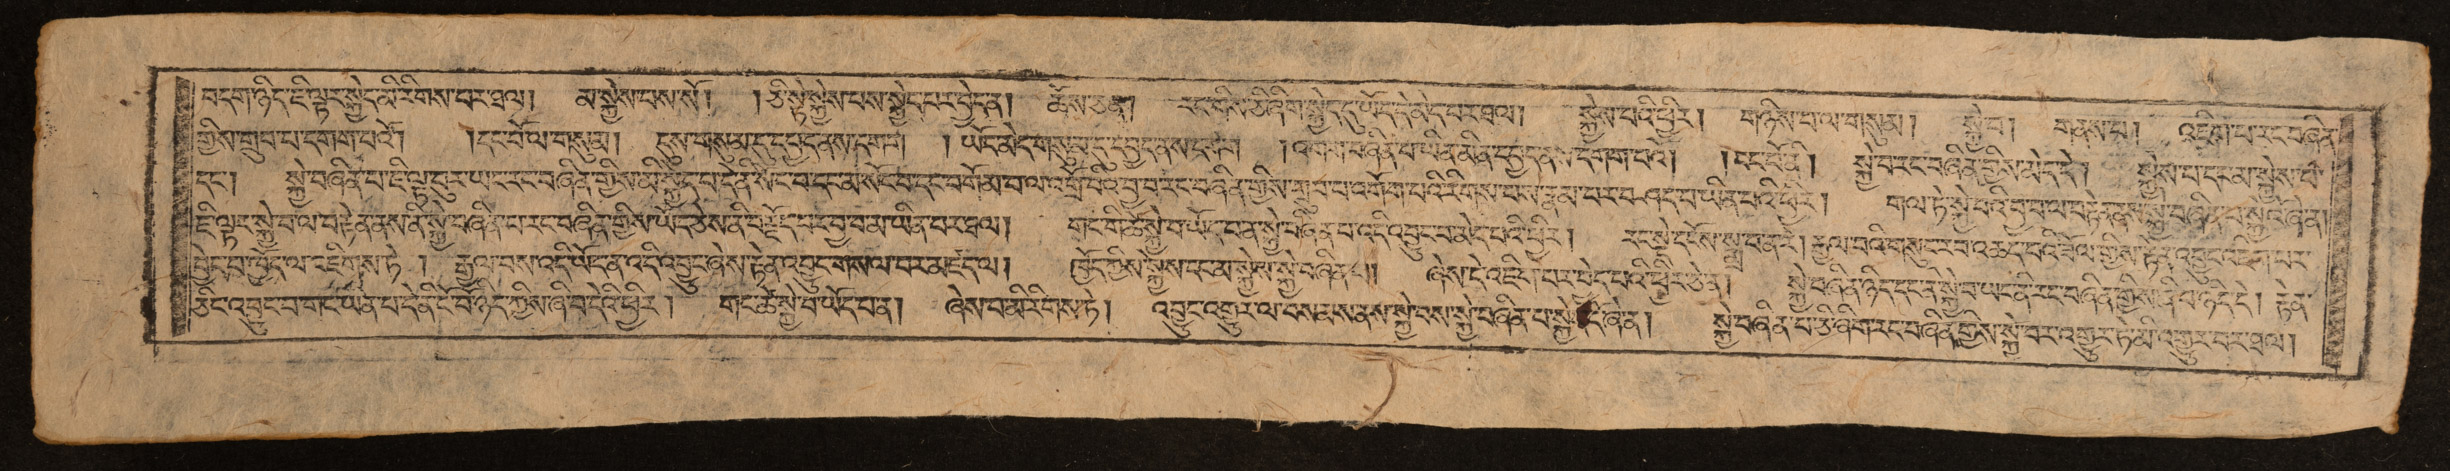བདག་ཉིད་ཇི་ལྟར་སྐྱེད་མི་རིགས་པར་ཐལ། མ་སྐྱེས་པས་སོ། །ཅི་སྟེ་སྐྱེས་པས་སྐྱེད་པར་བྱེད་ན། ཆོས་ཅན། རང་གིས་ཅི་ཞིག་སྐྱེད་དུ་ཡོད་དེ་མེད་པར་ཐལ། སྐྱེས་པའི་ཕྱིར། གཉིས་པ་ལ་གསུམ། སྐྱེ་བ། གནས་པ། འཇིག་པ་རང་བཞིན་
གྱིས་གྲུབ་པ་དགག་པའོ། །དང་པོ་ལ་གསུམ། དུས་གསུམ་དུ་དབྱད་ནས་དགག །ཡོང་མེད་གསུམ་དུ་དཔྱད་ནས་དགག །འགག་བཞིན་པ་ཡིན་མིན་དཔྱད་ནས་དགག་པའོ། །དང་པོ་ནི། སྐྱེ་བ་རང་བཞིན་གྱིས་མེད་དེ། སྐྱེས་པ་དང་མ་སྐྱེས་པ་
དང་། སྐྱེ་བཞིན་པ་ཇི་ལྟ་བུར་ཡང་རང་བཞིན་གྱིས་མི་སྐྱེད་པ་དེ་ནི་སོང་བ་དང་མ་སོང་བ་དང་བགོམ་པ་ལ་འགྲོ་བའི་བྱ་བ་རང་བཞིན་གྱིས་གྲུབ་པ་འགོག་པའི་རིགས་པས་རྣམ་པར་བཤད་པ་ཡིན་པའི་ཕྱིར། གལ་ཏེ་སྐྱེ་བའི་བྱ་བ་ལ་བརྟེན་ནས་སྐྱེ་བཞིན་པ་སྐྱེའོ་ཞེ་ན་
ཇི་ལྟར་སྐྱེ་པ་ལ་བརྟེན་ནས་ནི་སྐྱེ་བཞིན་པ་རང་བཞིན་གྱིས་ཡོད་ཅེས་ནི་བརྗོད་པར་བྱ་བ་མ་ཡིན་པར་ཐལ། གང་གི་ཚེ་སྐྱེ་བ་ཡོད་པ་ན་སྐྱེ་བཞིན་པ་འདི་འབྱུང་བ་མེད་པའི་ཕྱིར། རང་སྡེ་དངོས་སྨྲ་བ་ན་རེ། རྒྱལ་བའི་གསུང་རབ་འཆད་པའི་ཟོལ་གྱིས་རྟེན་འབྱུང་འཇིག་པར་
བྱེད་པ་ཁྱོད་ལ་འཇིགས་ཏེ། རྒྱལ་བས་འདི་ཡོད་ན་འདི་འབྱུང་ཞེས་རྟེན་འབྱུང་གསལ་བར་མཛད་ལ། ཁྱོད་ཀྱིས་སྐྱེས་དང་མ་སྐྱེས་སྐྱེ་བཞིན་པ། ཞེས་དེ་འཇིག་པར་བྱེད་པའི་ཕྱིར་ཅེ་ན། སྐྱེ་བཞིན་ཉིད་དད་ནི་སྐྱེ་བ་ཡང་ནི་རང་བཞིན་གྱིས་ཞི་བ་ཉིད་དེ། རྟེན་
ཅིང་འབྱུང་བ་གང་ཡིན་པ་དེ་ནི་ངོ་བོ་ཉིད་ཀྱིས་ཞི་བ་དེའི་ཕྱིར། གང་ཚེ་སྐྱེ་བ་ཡོད་པ་ན། ཞེས་པ་མི་རིགས་ཏེ། འབྱུང་འགྱུར་ལ་བསམས་ནས་སྐྱེ་བས་སྐྱེ་བཞིན་པ་སྐྱེད་དོ་ཞེ་ན། སྐྱེ་བཞིན་པ་ཅི་ཞིག་རང་བཞིན་གྱིས་སྐྱེ་བར་འགྱུར་ཏེ་མི་འགྱུར་བར་ཐལ།